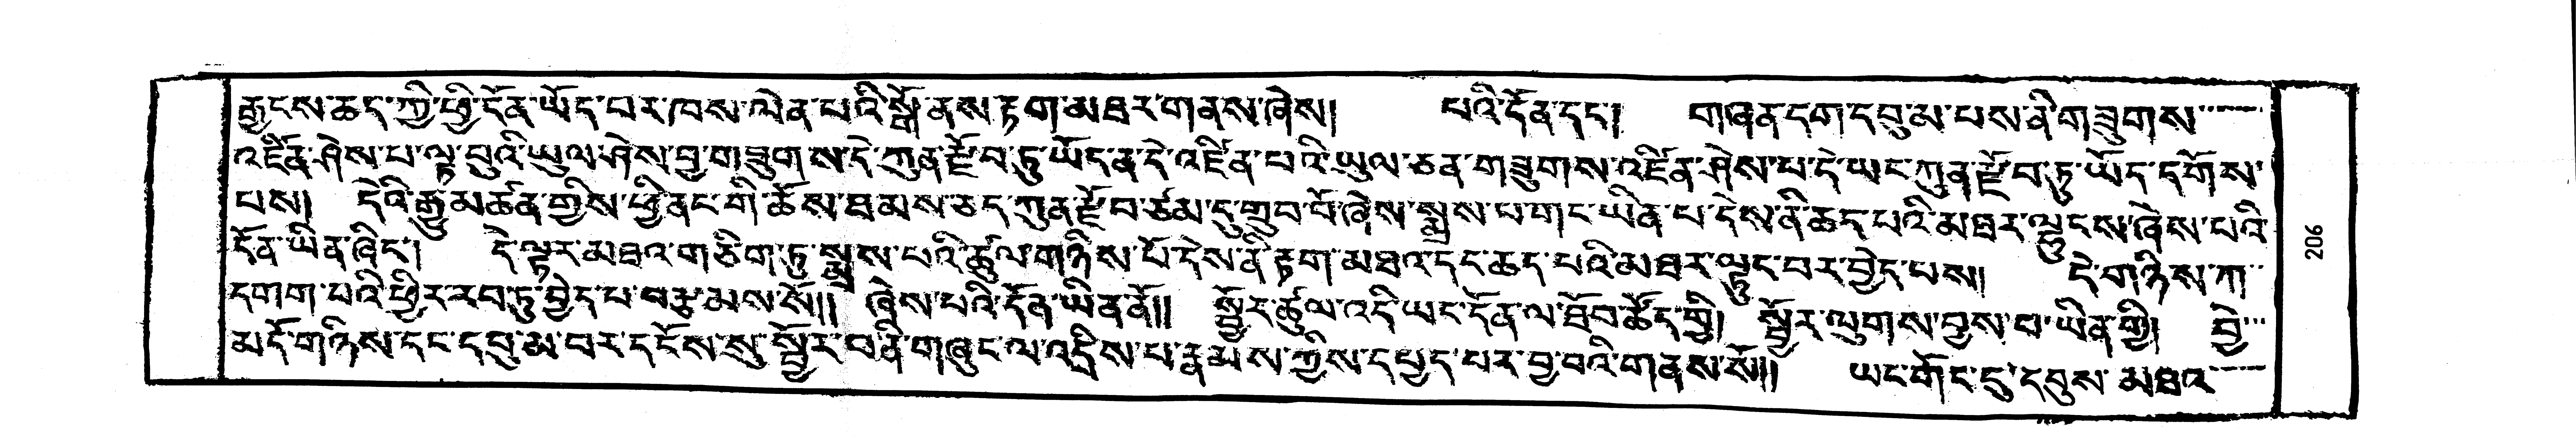རྒྱངས་ཆད་ཀྱི་ཕྱི་དོན་ཡོད་པར་ཁས་ལེན་པའི་སྒོ་ནས་རྟག་མཐར་གནས་ཞེས། པའི་དོན་དང་། གཞན་དག་དབུ་མ་པས་ནི་གཟུགས་
འཛིན་ཤེས་པ་ལྟ་བུའི་ཡུལ་ཤེས་བྱ་གཟུགས་དེ་ཀུན་རྫོབ་ཏུ་ཡོད་ན་དེ་འཛིན་པའི་ཡུལ་ཅན་གཟུགས་འཛིན་ཤེས་པ་དེ་ཡང་ཀུན་རྫོབ་ཏུ་ཡོད་དགོས་
པས། དེའི་རྒྱུ་མཚན་གྱིས་ཕྱི་ནང་གི་ཆོས་ཐམས་ཅད་ཀུན་རྫོབ་ཙམ་དུ་གྲུབ་པོ་ཞེས་སྨྲས་པ་གང་ཡིན་པ་དེས་ནི་ཆད་པའི་མཐར་ལྷུངས་ཞེས་པའི་
དོན་ཡིན་ཞིང་། དེ་ལྟར་མཐའ་གཅིག་ཏུ་སྨྲས་པའི་ཚུལ་གཉིས་པོ་དེས་ནི་རྟག་མཐའ་དང་ཆད་པའི་མཐར་ལྟུང་བར་བྱེད་པས། དེ་གཉིས་ཀ་
དགག་པའི་ཕྱིར་རབ་ཏུ་བྱེད་པ་བརྩམས་སོ།། ཞེས་པའི་དོན་ཡིན་ནོ།། སྦྱོར་ཚུལ་འདི་ཡང་དོན་ལ་ཐོབ་ཚོད་གྱི། སྦྱོར་ལུགས་བྱས་པ་ཡིན་གྱི། བྱེ་
མདོ་གཉིས་དང་དབུ་མ་བར་དངོས་སུ་སྦྱོར་བ་ནི་གཞུང་ལ་འདྲིས་པ་རྣམས་ཀྱིས་དཔྱད་པར་བྱ་བའི་གནས་སོ།། ཡང་གོང་དུ་དབུས་མཐའ་